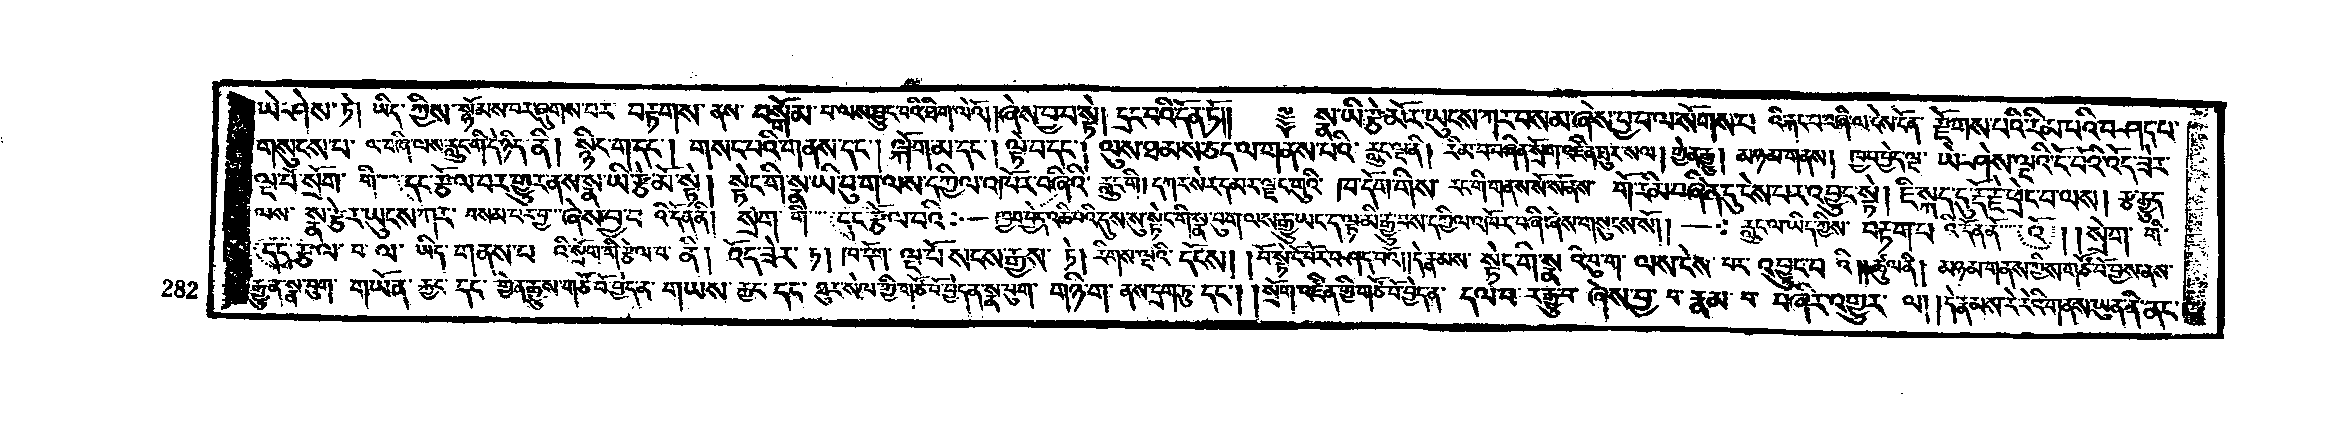ཡེ་ཤེས་ཏེ། ཡིད་ཀྱིས་སྙོམས་པར་ཞུགས་པར་བརྟགས་ནས་བསྒོམ་པ་ལས་བྱུང་བའི་ཐིག་ལེའོ།  །ཞེས་བྱ་བ་སྟེ། དྲང་བའི་དོན་ཏོ།། ༈ སྣ་ཡི་རྩེ་མོར་ཡུངས་ཀར་བསམ་ཞེས་བྱ་བ་ལ་སོགས་པའི་རྐང་པ་བཞི་ལ་ངེས་དོན་རྫོགས་པའི་རིམ་པའི་བཤད་པ་
གསུངས་པ་ལ་བཞི་ལས་རླུང་གི་དེ་ཉིད་ནི། སྙིང་ག་དང་། གསང་བའི་གནས་དང་། ལྐོག་མ་དང་། ལྟེ་བ་དང་། ལུས་ཐམས་ཅད་ལ་གནས་པའི་རླུང་ལྔ་ནི། རིམ་པ་བཞིན་སྲོག་འཛིན་ཐུར་སེལ། གྱེན་རྒྱུ། མཉམ་གནས། ཁྱབ་བྱེད་ལྔ་ཡེ་ཤེས་ལྔའི་ངོ་བོའི་འོད་ཟེར་
ལྔ་པོ་སྲོག་གི་དང་རྩོལ་བར་གྱུར་ནས་སྣ་ཡི་རྩེ་མོ་སྟེ། སྟེང་གི་སྣ་ཡི་བུ་ག་ལས་དཀྱིལ་འཁོར་བཞིའི་རླུང་གི །དཀར་སེར་དམར་ལྗང་གུའི་ཁ་དོག་གིས་རང་གི་གནས་སོ་སོ་ནས་གོ་རིམ་བཞིན་དུ་ངེས་པར་འབྱུང་སྟེ། ཇི་སྐད་དུ་རྡོ་རྗེ་ཕྲེང་བ་ལས། རྩ་རྒྱུད་
ལས་སྣ་རྩེར་ཡུངས་ཀར་བསམ་པར་བྱ་ཞེས་བྱ་བའི་དོན་ནི། སྲེག་གི་དང་རྩོལ་བའི་H.་ཁྱབ་བྱེད་འཆི་བའི་དུས་སུ་སྟེང་གེ་སྣ་བུག་ལས་རྒྱུ་ཡང་ད་ལྟ་མི་རྒྱུ་བས་དཀྱིལ་འཁོར་བཞི་ཞེས་གསུངས་སོ།། .H རླུང་ལ་ཡིད་ཀྱིས་བརྟག་པའི་དོན་ནོ་འོ། །སྲེག་གི
དང་རྩོལ་བ་ལ་ཡིད་གནས་པའི་སྲོག་གི་རྩོལ་བ་ནི། འོད་ཟེར་ཏེ། ཁ་དོག་ལྔ་པོ་སངས་རྒྱས་ཏེ། རིགས་ལྔའི་དངོས། ། པོ་སྟེ་ངོ་བོར་བཤད་པའོ། །དེ་རྣམས་སྟེང་གི་སྣའི་བུ་ག་ལས་ངེས་པར་འབྱུང་བའི། །ཚུལ་ནི། མཉམ་གནས་ཀྱིས་གཙོ་བོ་བྱས་ནས་
རྒྱུན་སྣ་བུག་གཡོན་རྐྱང་དང་གྱེན་རྒྱུས་གཙོ་བོ་བྱེད་ན་གཡས་རྐྱང་དང་ཐུར་སེལ་གྱི་གཙོ་བོ་བྱེད་ན་སྣ་བུག་གཉི་ག་ནས་དྲག་ཏུ་དང་། ། སྲོག་འཛིན་གྱི་གཙོ་བོ་བྱེད་ན་དལ་བར་རྒྱུ་བ་ཞེས་བྱ་བ་རྣམ་པ་བཞིར་འགྱུར་ལ། །དེ་རྣམས་རེ་རེའི་གནས་ཡུན་ནི་ནང་